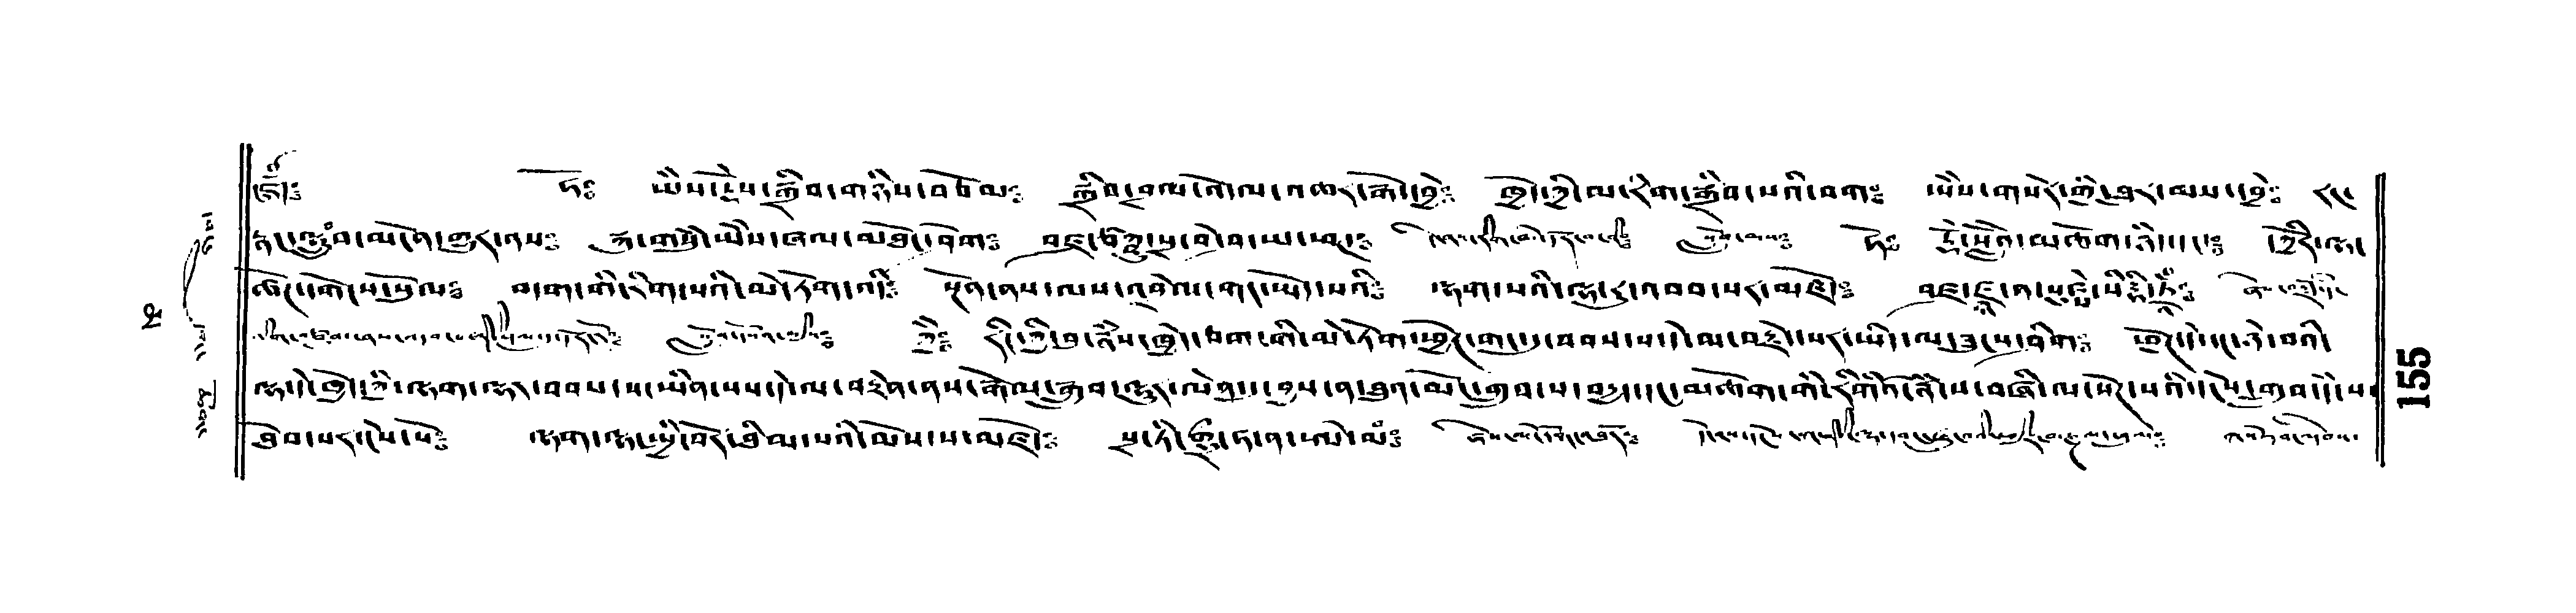ཧོཿ ཡེ་ཤེས་རྡོ་རྗེས་སྒྲིབ་གཉིས་བཅོམ༔ སྒྲིབ་བྲལ་འོད་གསལ་འཆར་སྒོ་དབྱེ༔ ཁྱོད་ཀྱི་མ་རིག་སྒྲིབ་པའི་སྨག༔ ཡེ་ཤེས་གསེར་གྱི་ཐུར་མས་དབྱེ༔ རང་
སྣང་ལྷུན་གྲུབ་མངོན་གྱུར་ནས༔ སྐུ་གསུམ་ཡེ་ཤེས་ཞལ་མཐོང་ཤོག༔ བཛྲ་ཙཀྵུ་པྲ་བེ་ཤ་ཡ་ཕཊཿ དེ་ནས་རིག་མེ་དོར་བ་ནི༔ སློབ་མས༔ ཧོཿ རྡོ་རྗེ་སློབ་དཔོན་མཆོག་ཉིད་དང༔ དཀྱིལ་འཁོར་ལྷ་
ཚོགས་དགོངས་སུ་གསོལ༔ བདག་གི་རིག་པའི་མེ་ཏོག་འདི༔ སྔོན་ནས་ལས་འབྲེལ་གང་ཡོད་པའི༔ ལྷག་པའི་ལྷ་རུ་འབབ་པར་མཛོད༔ བཛྲ་ཛྙཱ་ན་པུཥྤེཾ་སིདྡྷི་ཏྲཱྃ༔ ཞེས་བརྗོད་དེ་
མིག་བཙུམ་ནས་འདབ་བཞིའི་དལ་དུ་དོར་རོ༔ སློབ་དཔོན་གྱིས༔ ཀྱཻ༔ རིགས་ཀྱི་བུ་རྣམས་ཁྱེད་ཅག་གི་མེ་ཏོག་ཕྱོགས་གང་དུ་བབས་པ་དེ་མ་བརྗེད་པར་ཡིད་ལ་ཟུངས་ཤིག༔ ཕྱོགས་དེ་དང་ཉེ་བའི་
ལྷ་དེ་ཁྱོད་ཀྱི་ལྷག་ལྷར་བབས་པ་ཡིན་པས་དེ་ལ་བརྟེན་ནས་སྒོམ་སྒྲུབ་ལྷུར་ལེན་དུ་བྱས་ན་ཐུན་མོང་གྲུབ་པ་བརྒྱད་དང་མཆོག་གི་རིག་འཛིན་རྣམ་པ་བཞི་ལ་སོགས་པའི་དངོས་གྲུབ་དམ་པ་
ཐོབ་པར་ངེས་སོ༔ ལྷག་ལྷ་སྤྱི་བོར་ཐིམ་པའི་མོས་པ་མཛོད༔ པྲ་ཏི་གྷྲྀ་ཧ་ན་ཨི་མཾ༔ ཞེས་མེ་ཏོག་འཐོར༔ དེ་ནས་དངོས་གཞིའི་ལྷ་དབང་ཞུ་བའི་ཕྱིར་མཎྜལ་ཕུལ༔ གསོལ་བ་འདེབས་